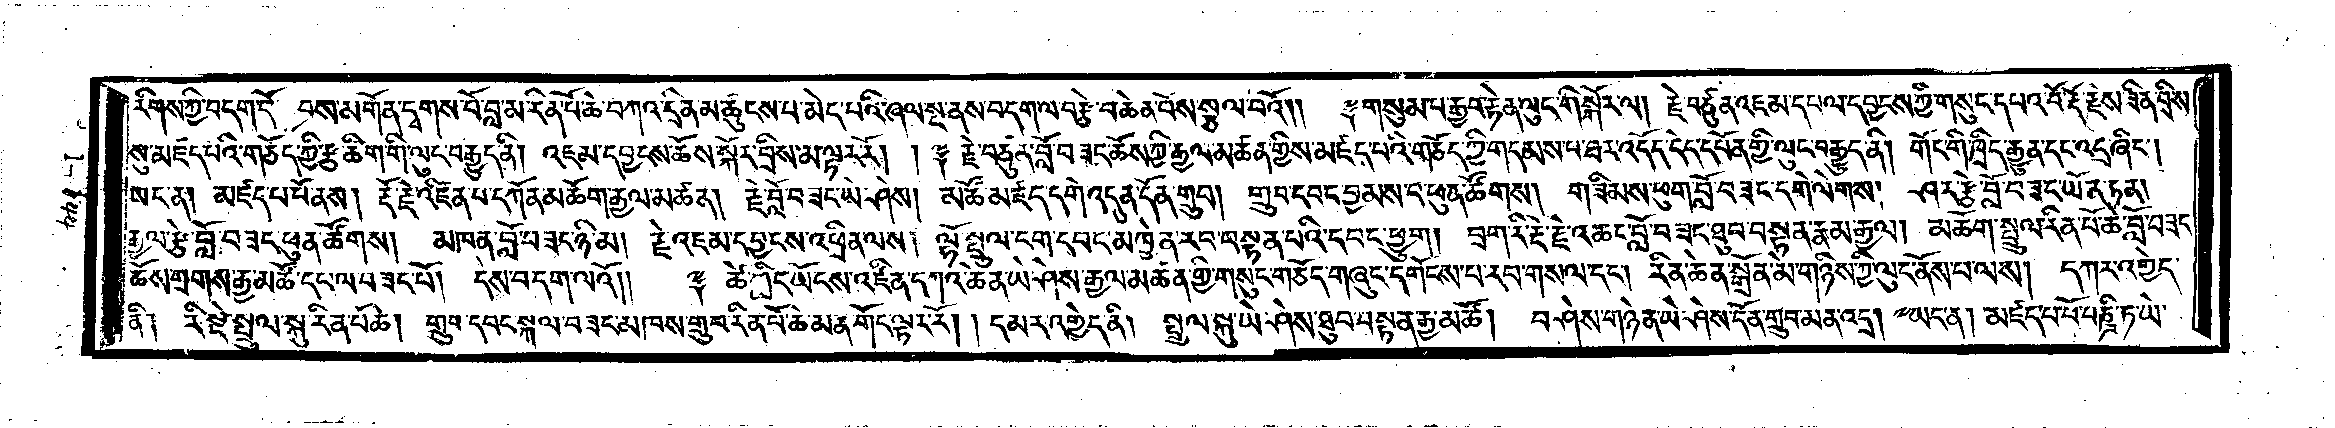རིགས་ཀྱི་བདག་དོན་བས་མགོན་དྭགས་པོ་བླ་མ་རིན་པོ་ཆེ་བཀའ་དྲིན་མཚུངས་པ་མེད་པའི་ཞལ་སྔ་ནས་བདག་ལ་བརྩེ་བ་ཆེན་བོས་སྩལ་བའོ།། ༈ གསུམ་པ་རྒྱབ་རྟེན་ལུང་གི་སྐོར་ལ། རྗེ་བཙུན་འཇམ་དཔལ་དབྱངས་ཀྱི་གསུང་དཔའ་བོ་རྡོ་རྗེས་ཟིན་བྲིས་
སུ་མཛད་པའི་གཅོད་ཀྱི་རྩ་ཚིག་གི་ལུང་བརྒྱུད་ནི། འཇམ་དབྱངས་ཆོས་སྐོར་བྲིས་མ་ལྟར་རོ། ། ༈ རྗེ་བཙུན་བློ་བཟང་ཆོས་ཀྱི་རྒྱལ་མཚན་གྱིས་མཛད་པའི་གཅོད་ཀྱི་གདམས་པ་ཐར་འདོད་དེད་དཔོན་གྱི་ལུང་བརྒྱུད་ནི། གོང་གི་ཁྲིད་རྒྱུན་དང་འདྲ་ཞིང་།
ཡང་ན། མཛད་པ་པོ་ནས། རྡོ་རྗེ་འཛིན་པ་དཀོན་མཆོག་རྒྱལ་མཚན། རྗེ་བློ་བཟང་ཡེ་ཤེས། མཚོ་མཛད་དགེ་འདུན་དོན་གྲུབ། གྲུབ་དབང་བྱམས་པ་ཕུན་ཚོགས། གཟིམས་ཕུག་བློ་བཟང་དགེ་ལེགས། ཤར་རྩེ་བློ་བཟང་ཡོན་ཏན།
རྒྱལ་རྩེ་བློ་བཟང་ཕུན་ཚོགས། མཁན་བློ་བཟང་ཉི་མ། རྗེ་འཇམ་དབྱངས་འཕྲིན་ལས། ལྷོ་སྤྲུལ་ངག་དབང་མཁྱེན་རབ་བསྟན་པའི་དབང་ཕྱུག། བྲག་རི་རྡོ་རྗེ་འཆང་བློ་བཟང་ཐུབ་བསྟན་རྣམ་རྒྱལ། མཆོག་སྤྲུལ་རིན་པོ་ཆེ་བློ་བཟང་
ཆོས་གྲགས་རྒྱ་མཚོ་དཔལ་བཟང་པོ། དེས་བདག་ལའོ།། ༈ ཚེ་གླིང་ཡོངས་འཛིན་དཀའ་ཆེན་ཡེ་ཤེས་རྒྱལ་མཚན་གྱི་གསུང་གཅོད་གཞུང་དགོངས་པ་རབ་གསལ་དང་། རིན་ཆེན་སྒྲོན་མེ་གཉིས་ཀྱི་ལུང་ནོས་པ་ལས། དཀར་འགྱེད་
ནི། རི་སྡེ་སྤྲུལ་སྐུ་རིན་པོ་ཆེ། གྲུབ་དབང་སྐལ་བཟང་མཁས་གྲུབ་རིན་པོ་ཆེ་མན་གོང་ལྟར་རོ། །དམར་འགྱེད་ནི། སྤྲུལ་སྐུ་ཡེ་ཤེས་ཐུབ་བསྟན་རྒྱ་མཚོ། བཤེས་གཉེན་ཡེ་ཤེས་དོན་གྲུབ་མན་འདྲ། ཡང་ན། མཛད་པ་པོ་པཎྜི་ཏ་ཡེ་